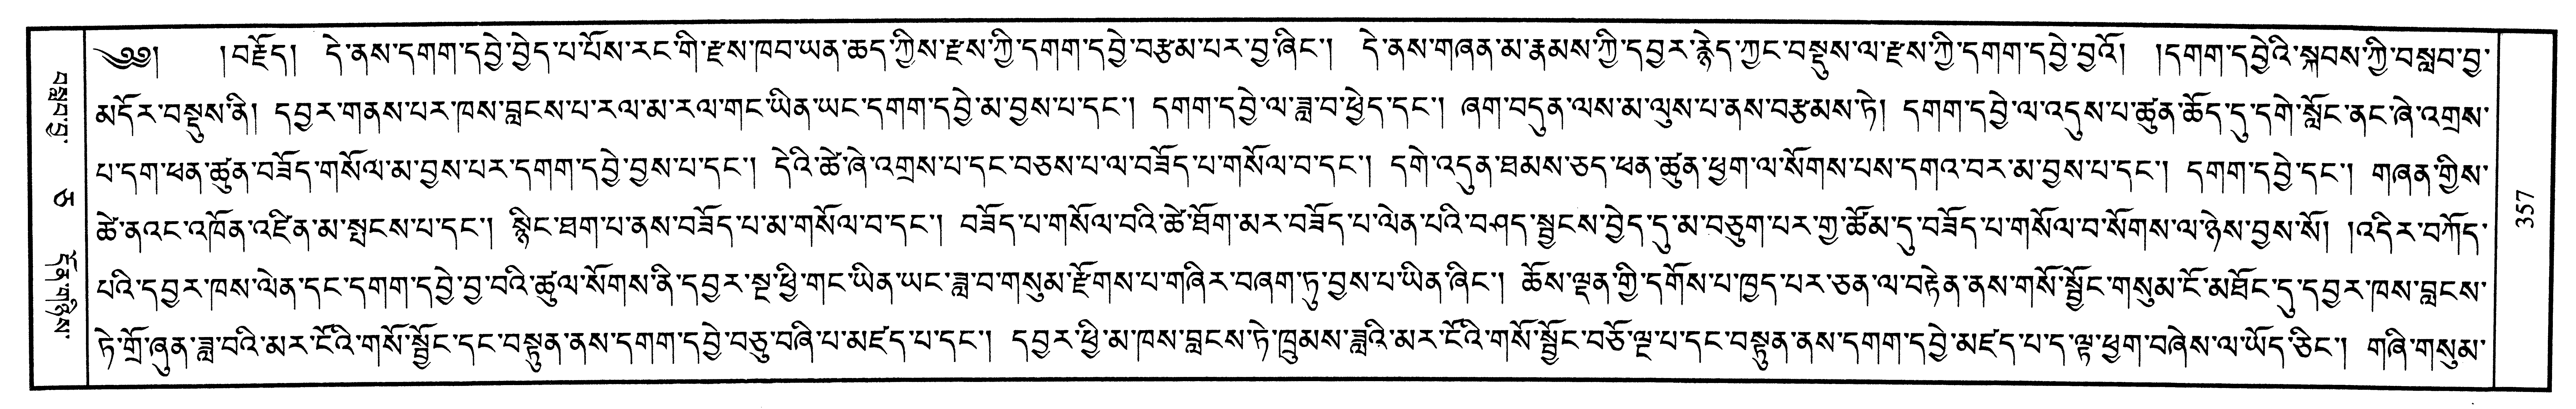༄༅། །བརྗོད། དེ་ནས་དགག་དབྱེ་བྱེད་པ་པོས་རང་གི་རྫས་ཁབ་ཡན་ཆད་ཀྱིས་རྫས་ཀྱི་དགག་དབྱེ་བརྩམ་པར་བྱ་ཞིང་། དེ་ནས་གཞན་མ་རྣམས་ཀྱི་དབྱར་རྙེད་ཀྱང་བསྡུས་ལ་རྫས་ཀྱི་དགག་དབྱེ་བྱའོ། །དགག་དབྱེའི་སྐབས་ཀྱི་བསླབ་བྱ་
མདོར་བསྡུས་ནི། དབྱར་གནས་པར་ཁས་བླངས་པ་རལ་མ་རལ་གང་ཡིན་ཡང་དགག་དབྱེ་མ་བྱས་པ་དང་། དགག་དབྱེ་ལ་ཟླ་བ་ཕྱེད་དང་། ཞག་བདུན་ལས་མ་ལུས་པ་ནས་བརྩམས་ཏེ། དགག་དབྱེ་ལ་འདུས་པ་ཚུན་ཆོད་དུ་དགེ་སློང་ནང་ཞེ་འགྲས་
པ་དག་ཕན་ཚུན་བཟོད་གསོལ་མ་བྱས་པར་དགག་དབྱེ་བྱས་པ་དང་། དེའི་ཚེ་ཞེ་འགྲས་པ་དང་བཅས་པ་ལ་བཟོད་པ་གསོལ་བ་དང་། དགེ་འདུན་ཐམས་ཅད་ཕན་ཚུན་ཕྱག་ལ་སོགས་པས་དགའ་བར་མ་བྱས་པ་དང་། དགག་དབྱེ་དང་། གཞན་གྱིས་
ཚེ་ནའང་འཁོན་འཛིན་མ་སྤངས་པ་དང་། སྙིང་ཐག་པ་ནས་བཟོད་པ་མ་གསོལ་བ་དང་། བཟོད་པ་གསོལ་བའི་ཚེ་ཐོག་མར་བཟོད་པ་ལེན་པའི་བཤད་སྦྱངས་བྱེད་དུ་མ་བཅུག་པར་གྱ་ཚོམ་དུ་བཟོད་པ་གསོལ་བ་སོགས་ལ་ཉེས་བྱས་སོ། །འདིར་བཀོད་
པའི་དབྱར་ཁས་ལེན་དང་དགག་དབྱེ་བྱ་བའི་ཚུལ་སོགས་ནི་དབྱར་སྔ་ཕྱི་གང་ཡིན་ཡང་ཟླ་བ་གསུམ་རྫོགས་པ་གཞིར་བཞག་ཏུ་བྱས་པ་ཡིན་ཞིང་། ཆོས་ལྡན་གྱི་དགོས་པ་ཁྱད་པར་ཅན་ལ་བརྟེན་ནས་གསོ་སྦྱོང་གསུམ་ངོ་མཐོང་དུ་དབྱར་ཁས་བླངས་
ཏེ་གྲོ་ཞུན་ཟླ་བའི་མར་ངོའི་གསོ་སྦྱོང་དང་བསྟུན་ནས་དགག་དབྱེ་བཅུ་བཞི་པ་མཛད་པ་དང་། དབྱར་ཕྱི་མ་ཁས་བླངས་ཏེ་ཁྲུམས་ཟླའི་མར་ངོའི་གསོ་སྦྱོང་བཅོ་ལྔ་པ་དང་བསྟུན་ནས་དགག་དབྱེ་མཛད་པ་ད་ལྟ་ཕྱག་བཞེས་ལ་ཡོད་ཅིང་། གཞི་གསུམ་